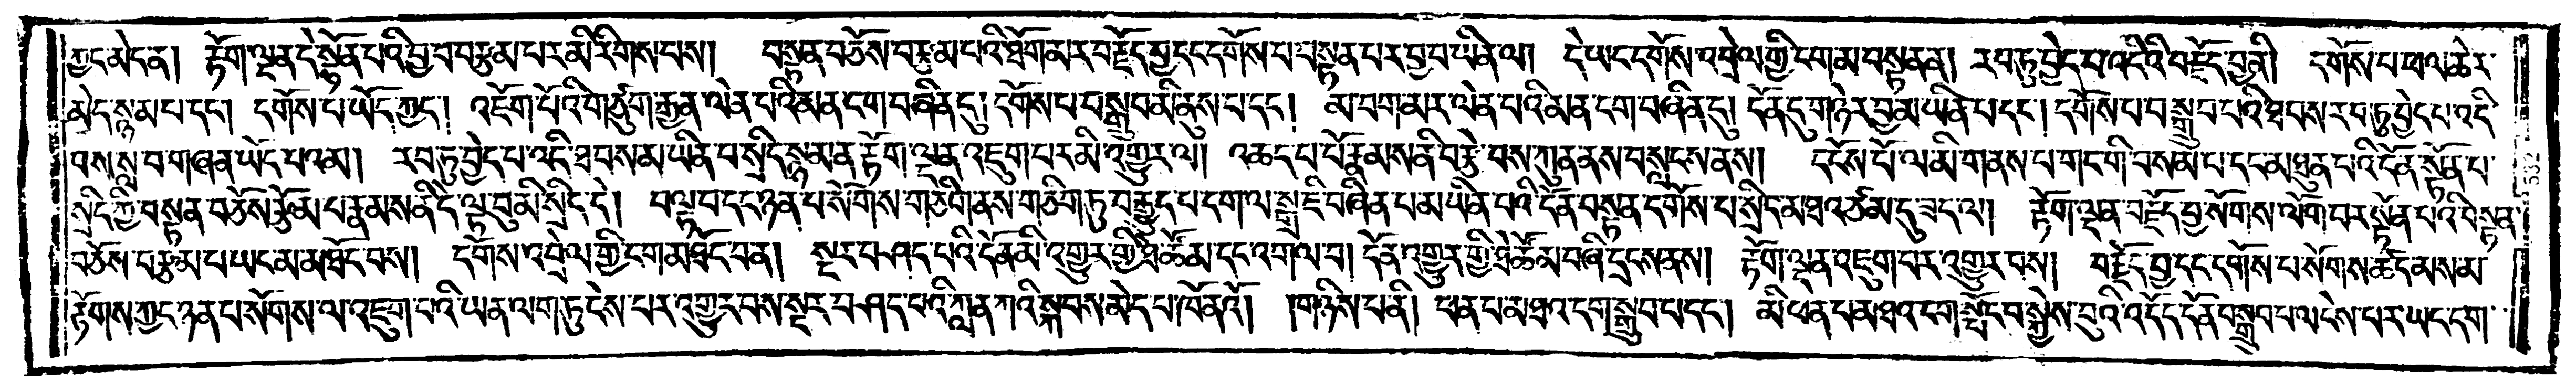ཀྱང་མེད་ན། རྟོག་ལྡན་དེ་སྟོན་པའི་བྱ་བ་བརྩམ་པར་མི་རིགས་པས། བསྟན་བཅོས་བརྩམ་པའི་ཐོག་མར་བརྗོད་བྱ་དང་དགོས་པ་བསྟན་པར་བྱ་བ་ཡིན་ལ། དེ་ཡང་དགོས་འབྲེལ་གྱི་ངག་མ་བསྟན་ན། རབ་ཏུ་བྱེད་པ་འདིའི་བརྗོད་བྱ་ནི། དགོས་པ་ཕལ་ཆེར་
མེད་སྙམ་པ་དང་། དགོས་པ་ཡོད་ཀྱང་། འཇོག་པོའི་གཙུག་རྒྱན་ལེན་པའི་མན་ངག་བཞིན་དུ། དགོས་པ་བསྒྲུབ་མི་ནུས་པ་དང་། མ་བག་མར་ལེན་པའི་མན་དག་བཞིན་དུ། དོན་དུ་གཉེར་བྱ་མ་ཡིན་པ་དང་། དགོས་པ་བསྒྲུབ་པའི་ཐབས་རབ་ཏུ་བྱེད་པ་འདི་
བས་སླ་བ་གཞན་ཡོད་པའམ། རབ་ཏུ་བྱེད་པ་འདི་ཐབས་མ་ཡིན་པ་སྲིད་སྙམ་ན་རྟོག་ལྡན་འཇུག་པར་མི་འགྱུར་ལ། འཆད་པ་པོ་རྣམས་ནི་བརྩེ་བས་ཀུན་ནས་བསླངས་ནས། དངོས་པོ་ལ་མི་གནས་པ་གང་གི་བསམ་པ་དང་མཐུན་པའི་དོན་སྟོན་པ་
སྲིད་ཀྱི་བསྟན་བཅོས་རྩོམ་པ་རྣམས་ནི་དེ་ལྟ་བུ་མི་སྲིད་དེ། བལྟ་བ་དང་ཉན་པ་སོགས་གཅིག་ནས་གཅིག་ཏུ་བརྒྱུད་པ་དག་ལ་སྒྲ་ཇི་བཞིན་པ་མ་ཡིན་པའི་དོན་བསྟན་དགོས་པ་སྲིད་མཐའ་ཙམ་དུ་ཟད་ལ། རྟོག་ལྡན་བརྗོད་བྱ་སོགས་ལོག་བར་སྟོན་པའི་བསྟན་
བཅོས་བརྩམ་པ་ཡང་མ་མཐོང་བས། དགོས་འབྲེལ་གྱི་དག་མཐོང་བ་ན། སྔར་བཤད་པའི་དོན་མི་འགྱུར་གྱི་ཐེ་ཚོམ་དང་འགལ་བ། དོན་འགྱུར་གྱི་ཐེ་ཚོམ་བཞི་དྲངས་ནས། རྟོག་ལྡན་འཇུག་བར་འགྱུར་བས། བརྗོད་བྱ་དང་དགོས་པ་སོགས་ཚད་མས་མ་
རྟོགས་ཀྱང་ཉན་པ་སོགས་ལ་འཇུག་པའི་ཡན་ལག་ཏུ་ངེས་པར་འགྱུར་བས་སྔར་བཤད་པའི་ཀླན་ཀའི་སྐབས་མེད་པ་ཁོ་ནའོ། །གཉིས་པ་ནི། ཕན་པ་མཐའ་དག་སྒྲུབ་པ་དང་། མི་ཕན་པ་མཐའ་དག་སྤོང་བ་སྐྱེས་བུའི་འདོད་དོན་བསྒྲུབ་པ་ལ་ངེས་པར་ཡང་དག་